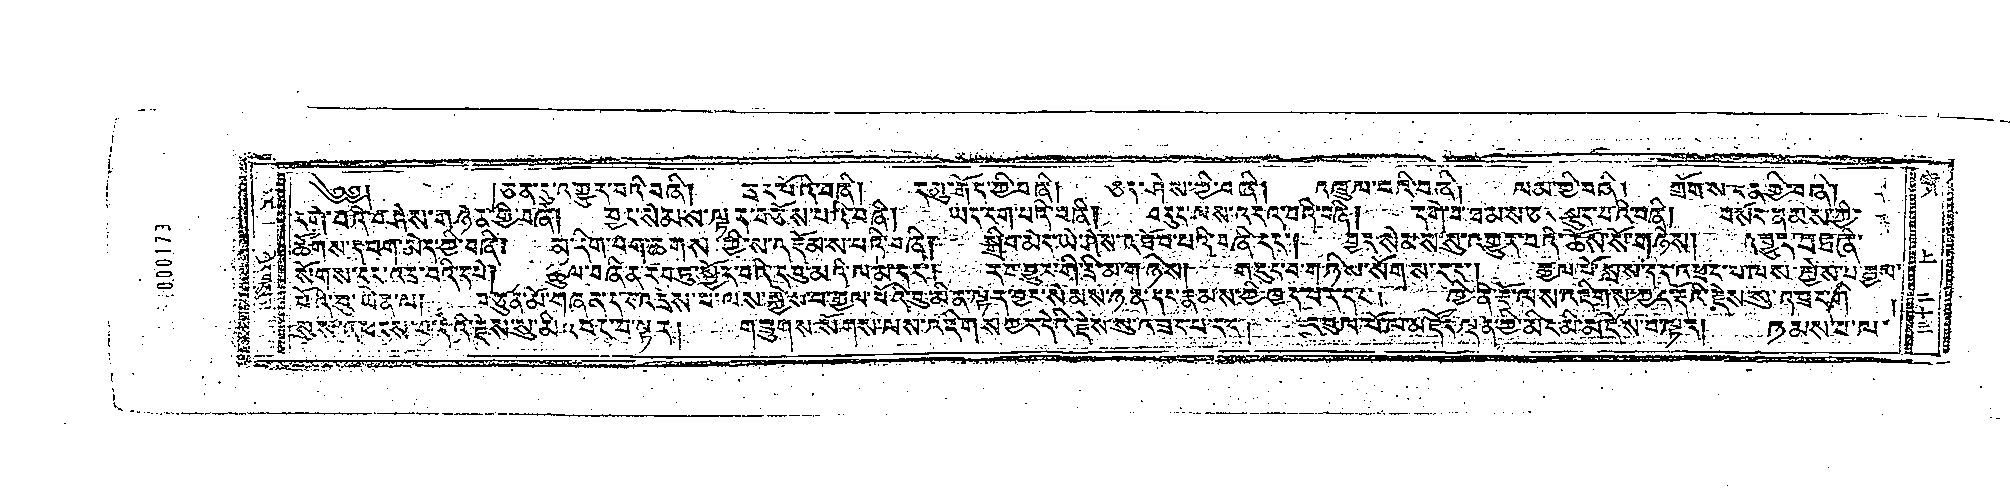༄༅། །ཅན་དུ་འགྱུར་བའི་བཞི། དྲང་པོའི་བཞི། དམུ་རྒོད་ཀྱི་བཞི། ཅད་ཤེས་ཀྱི་བཞི། འཁྲུལ་བའི་བཞི། ལམ་གྱི་བཞི། གྲོགས་ངན་གྱི་བཞི།
དགེ་བའི་གཤེས་གཉེན་གྱི་བཞི། བྱང་སེམས་ལྟར་བཅོས་པའི་བཞི། ཡང་དག་པའི་བཞི། བདུད་ལས་འདའ་བའི་བཞི། དགེ་བ་ཐམས་ཅད་སྡུད་པའི་བཞི། བསོད་ནམས་ཀྱི་
ཚོགས་དཔག་མེད་ཀྱི་བཞི། མ་རིག་བག་ཆགས་ཀྱི་ས་འཇོམས་པའི་བཞི། སྒྲིབ་མེད་ཡེ་ཤེས་འཐོབ་པའི་བཞི་དང་། བྱང་སེམས་སུ་འགྱུར་བའི་ཆོས་སོ་གཉིས། འབྱུང་བ་བཞི་
སོགས་དང་འདྲ་བའི་དཔེ། ཚུལ་བཞིན་རབ་ཏུ་སྦྱོད་བའི་དབུ་མའི་ལམ་དང་། རབ་བྱུང་གི་དྲི་མ་གཉིས། གདུད་བ་གཉིས་སོགས་དང་། རྒྱལ་པོ་སླས་དང་འཕྲང་པ་ལས་སྐྱེས་པ་རྒྱལ་
བོའི་བུ་ཡིན་ལ། བཙུན་མོ་གཞན་དང་འདྲེས་པ་ལས་སྐྱེས་པ་རྒྱལ་པོའི་བུ་མིན་ལྟར་བྱང་སེམས་ཉན་དང་རྣམས་ཀྱི་ཁྱད་པར་དང་། ཁྱི་ནི་རྡོ་ལས་འཇིགས་ཀྱང་རྡོའི་རྗེས་སུ་འབྲང་གི་
སུས་འཕངས་བ་དེའི་རྗེས་སུ་མི་འབང་པ་ལྟར། གཟུགས་སོགས་ལས་འཇིགས་ཀྱང་དེའི་རྗེས་སུ་འབྲང་པ་དྣག། དབུལ་བོ་ལ་མཛོད་ལྡན་ཀྱི་མིང་མི་མཛེས་བ་ལྟར། ཉམས་པ་ལ་